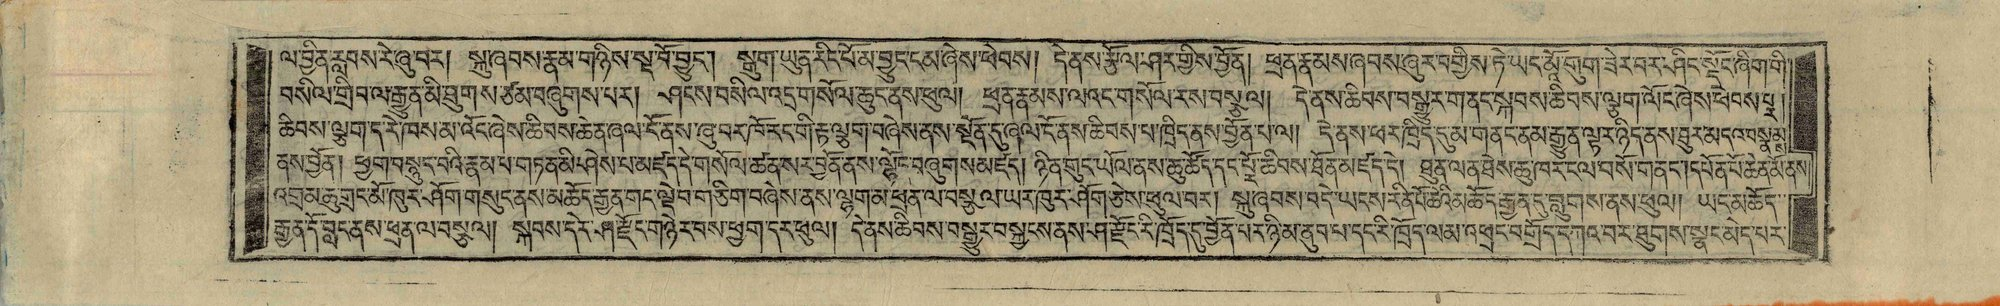ལ་བྱིན་རླབས་རེ་ཞུ་བར། སྐུ་ཞབས་རྣམ་གཉིས་སྔ་བོ་བྱུང་། སྒུག་ཡུན་རིང་པོ་མ་བྱུང་ངམ་ཞེས་ཕེབས། དེ་ནས་རྩོལ་ཤར་གྱིས་བྱོན། ཕྲན་རྣམས་ཞབས་ཞུར་བགྱིས་ཏེ་ཡང་མO་གུག་ཟེར་བར་ཤིང་སྡོང་ཞིག་གི་
བསིལ་གྲིབ་ལ་རྒྱུན་མི་ཐུགས་ཙམ་བཞུགས་པར། ཤངས་བསིལ་འདྲ་གསོལ་ཆུང་ནས་ཕུལ། ཕྲན་རྣམས་ལའང་གསོལ་རས་བསྩལ། དེ་ནས་ཆིབས་བསྒྱུར་གནང་སྐབས་ཆིབས་ལྕག་ལོང་ཞེས་ཕེབས་པར།
ཆིབས་ལྕག་ད་རེ་ཁས་མ་འོང་ཞེས་ཆིབས་ཆེན་ཞལ་ངོ་ནས་ཞུ་བར་ཁོ་རང་གི་རྟ་ལྕག་བཞེས་ནས་སྔོན་དུ་ཞལ་ངོ་ནས་ཆིབས་པ་ཁྲིད་ནས་བྱོན་པ་ལ། དེ་ནས་ཕར་ཁྲིད་དུ་མ་གནང་ནམ་རྒྱུན་ལྟར་ཉིད་ནས་ཐུར་མདའ་བསྣམས་
ནས་བྱོན། ཕྱག་བསྙུང་བའི་རྣམ་པ་གཏན་མི་ཤེས་པ་མཛད་དེ་གསོལ་ཚན་སར་བྱོན་ནས་ལྷོད་བཞུགས་མཛད། ཉིན་གུང་ཡོལ་ནས་ཆུ་ཚོད་དང་པོར་ཆིབས་ཐོན་མཛད་དེ། ཐུན་ལན་ཐེས་ཆུ་ཁར་ངལ་བསོ་གནང་། དཔོན་པོ་ཆེན་མོ་ནས།
འགྲམ་ཆུ་གྲང་མོ་ཁུར་ཤོག་གསུང་ནས་མཆོད་རྒྱན་གང་ལྡེ་བ་གཅིག་བཞེས་ནས་ལྷག་མ་ཕྲན་ལ་བསྩལ་ཡར་ཁུར་ཤོག་ཅེས་ཕུལ་བར། སྐུ་ཞབས་བདེ་ཡངས་རིན་པོ་ཆེའི་མཆོད་རྒྱན་དུ་བླུགས་ནས་ཕུལ། ཡང་མཆོད་
རྒྱན་དོ་བླང་ནས་ཕྲན་ལ་བསྩལ། སྐབས་དེར་ཤ་རྫོང་གཉེར་བས་ཕྱག་དར་ཕུལ། དེ་ནས་ཆིབས་བསྒྱུར་བསྐྱངས་ནས་ཤ་རྫོང་རི་ཁྲོད་དུ་བྱོན་པར་ཉི་མ་ནུབ་པ་དང་རི་ཁྲོད་ལམ་འཕྲང་བགྲོད་དཀའ་བར་ཐུགས་སྣང་མེད་པར་